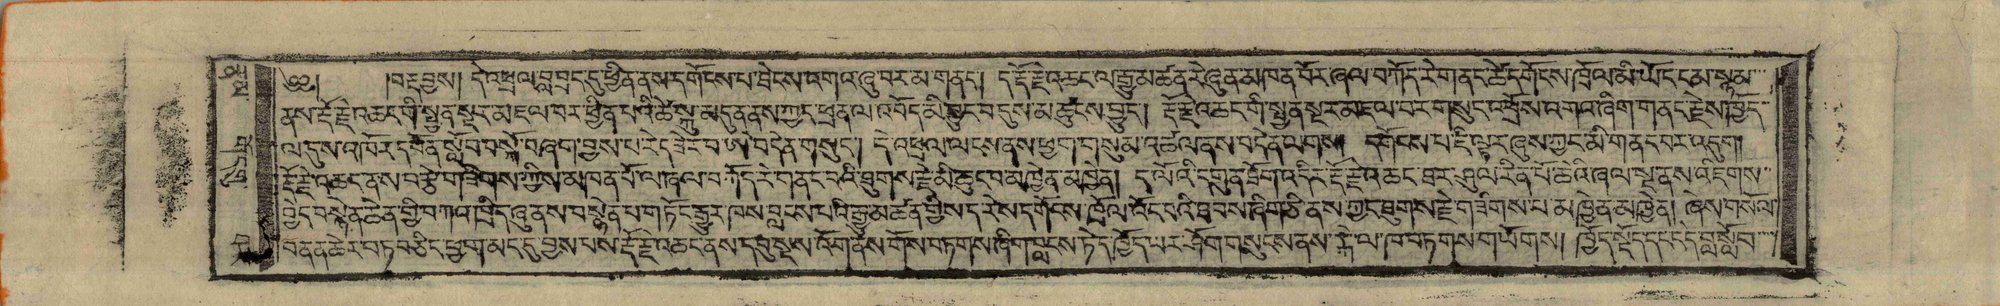༄༅། །བརྡ་བྱས། དེ་འཕྲལ་བླ་བྲང་དུ་ཕྱིན་ནས་དགོངས་པ་ཐེངས་འགའ་ཞུ་བར་མ་གནང་། ད་རྡོ་རྗེ་འཆང་ལ་རྒྱུ་མཚན་རེ་ཞུན་མཁན་པོར་ཞལ་བཀོད་རེ་གནང་ཚེ་དགོངས་ཁྲོལ་མི་ཡོང་ངམ་སྙམ་
ནས་རྡོ་རྗེ་འཆང་གི་སྤྱན་སྔར་མཇལ་བར་ཕྱིན་པའི་ཚེ་སྐུ་མདུན་ནས་ཀྱང་ཕྲན་ལ་འབོད་མི་བྱུང་བ་དུས་མཚུངས་བྱུང་། རྡོ་རྗེ་འཆང་གི་སྤྱན་སྔར་མཇལ་བར་གསུང་འཕྲོས་འགའ་ཞིག་གནང་རྗེས་ཁྱོད་
ལ་དུས་འཁོར་དཔོན་སློབ་བསྐོ་བཞག་བྱས་པ་རེད་ཟེར་བ་ཨེ་བདེན་གསུང་། དེ་འཕྲལ་ལངས་ནས་ཕྱག་གསུམ་འཚལ་ནས་བདེན་ལགས། དགོངས་པ་ཇི་ལྟར་ཞུས་ཀྱང་མི་གནང་བར་འདུག །
རྡོ་རྗེ་འཆང་ནས་བརྩེ་གཟིགས་ཀྱིས་མཁན་པོ་ལ་ཞལ་བཀོད་རེ་གནང་བའི་ཐུགས་རྗེ་མི་ཆུང་བ་མཁྱེན་མཁྱེན། ད་ལོའི་དགུན་ཐོག་འདིར་རྡོ་རྗེ་འཆང་ཐར་ཤུལ་རིན་པོ་ཆེའི་ཞལ་སྔ་ནས་འཇིགས་
བྱེད་བསྙེན་ཆེན་གྱི་བཀའ་ཁྲིད་ཞུ་ནས་བསྙེན་པ་གཏོང་རྒྱུར་ཁས་བླངས་པའི་རྒྱུ་མཚན་གྱིས་ད་རེས་དགོངས་ཁྲོལ་འོང་བའི་ཐབས་ཞིག་ཅི་ནས་ཀྱང་ཐུགས་རྗེ་གཟིགས་པ་མཁྱེན་མཁྱེན། ཞེས་གསོལ་
བྣན་ཆེར་བཏབ་ཅིང་ཕྱག་མང་དུ་བྱས་པས་རྡོ་རྗེ་འཆང་ནས་དབུ་སྔས་འོག་ནས་གོས་བཏགས་ཞིག་བླངས་ཏེ་ད་ཁྱོད་ཡར་ཤོག་གསུངས་ནས་རྐེ་ལ་ཁ་བཏགས་གཡོགས། ཁྱོད་སྡོད་དང་ངེད་བླ་སློབ་